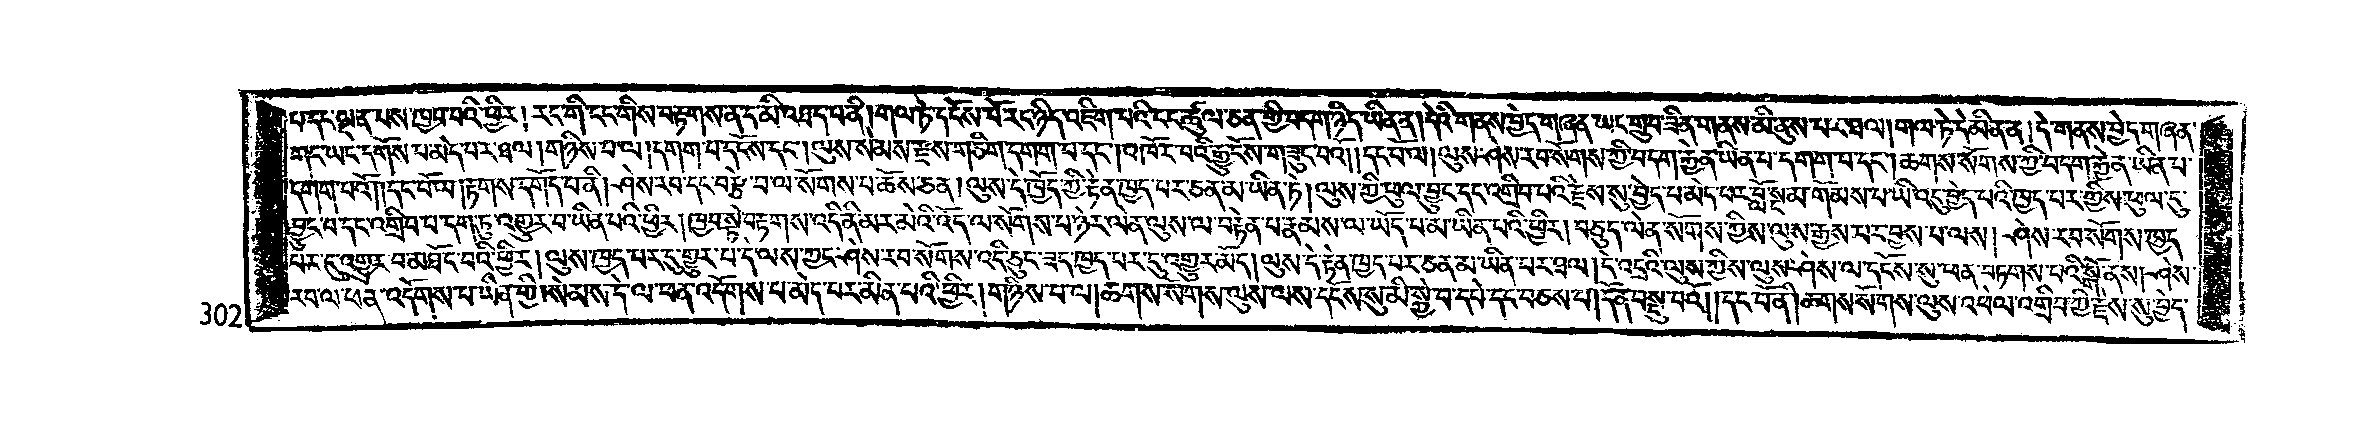པ་དང་ལྡན་པས་ཁྱབ་པའི་ཕྱིར། རང་གི་ངང་གིས་བརྟགས་ན་ད་མི་འཐད་པ་ནི། གལ་ཏེ་དངོས་པོ་རང་ཉིད་འཇིག་པའི་ངང་ཚུལ་ཅན་གྱི་བདག་ཉིད་ཡིན་ན། དེའི་གནས་བྱེད་གཞན་ཡང་གྲུབ་ཟིན་གནས་མི་ནུས་པར་ཐལ། གལ་ཏེ་དེ་མིན་ན། དེ་གནས་བྱེད་གཞན་
གང་ཡང་དགོས་པ་མེད་པར་ཐལ། གཉིས་པ་ལ། དགག་པ་དངོས་དང་། ལུས་སེམས་རྫས་གཅིག་དགག་པ་དང་། འཁོར་བའི་རྒྱུ་ངོས་གཟུང་བའོ། །དང་པོ་ལ། ལུས་ཤེས་རབ་སོགས་ཀྱི་བདག་རྐྱེན་ཡིན་པ་དགག་པ་དང་། ཆགས་སོགས་ཀྱི་བདག་རྐྱེན་ཡིན་པ་
དགག་པའོ། །དང་པོ་ལ། རྟགས་དགོད་པ་ནི། ཤེས་རབ་དང་བརྟེ་བ་ལ་སོགས་པ་ཆོས་ཅན། ལུས་དེ་ཁྱོད་ཀྱི་རྟེན་ཁྱད་པར་ཅན་མ་ཡིན་ཏེ། ལུས་ཀྱི་ཕུལ་བྱུང་དང་འགྲིབ་པའི་རྗེས་སུ་བྱེད་པ་མེད་པར་བློ་སྔ་མ་གོམས་པ་ཡི་འདུ་བྱེད་པའི་ཁྱད་པར་གྱིས་ཕུལ་དུ་
བྱུང་བ་དང་འགྲིབ་པ་དག་ཏུ་འགྱུར་བ་ཡིན་པའི་ཕྱིར། ཁྱབ་སྟེ་བརྟགས་འདི་ནི་མར་མེའི་འོད་ལ་སོགས་པ་ཉེར་ལེན་ལུས་ལ་བརྟེན་པ་རྣམས་ལ་ཡོད་པ་མ་ཡིན་པའི་ཕྱིར། བཅུད་ལེན་སོགས་ཀྱིས་ལུས་རྒྱས་པར་བྱས་པ་ལས། ཤེས་རབ་སོགས་ཁྱད་
པར་དུ་འགྱུར་བ་མཐོང་བའི་ཕྱིར། ལུས་ཁྱད་པར་དུ་གྱུར་པ་དེ་ལས་ཀྱང་ཤེས་རབ་སོགས་འདི་ཅུང་ཟད་ཁྱད་པར་དུ་འགྱུར་མོད། ལུས་དེ་རྟེན་ཁྱད་པར་ཅན་མ་ཡིན་པར་ཐལ། དེ་འདྲའི་ལུས་ཀྱིས་ལུས་ཤེས་ལ་དངོས་སུ་ཕན་བཏགས་པའི་སྒོ་ནས། ཤེས་
འདོགས་པ་ཡིན་གྱི། སེམས་དེ་ལ་ཕན་འདོགས་པ་མོད་པར་མིན་པའི་ཕྱིར། གཉིས་པ་ལ། ཆགས་སོགས་ལུས་ལས་དངོས་སུ་མི་སྐྱེ་བ་དཔེ་དང་བཅས་པ། དོན་བསྡུ་བའོ། །དང་པོ་ནི། ཆགས་སོགས་ལུས་འཕེལ་འགྲིབ་ཀྱི་རྗེས་སུ་བྱེད་